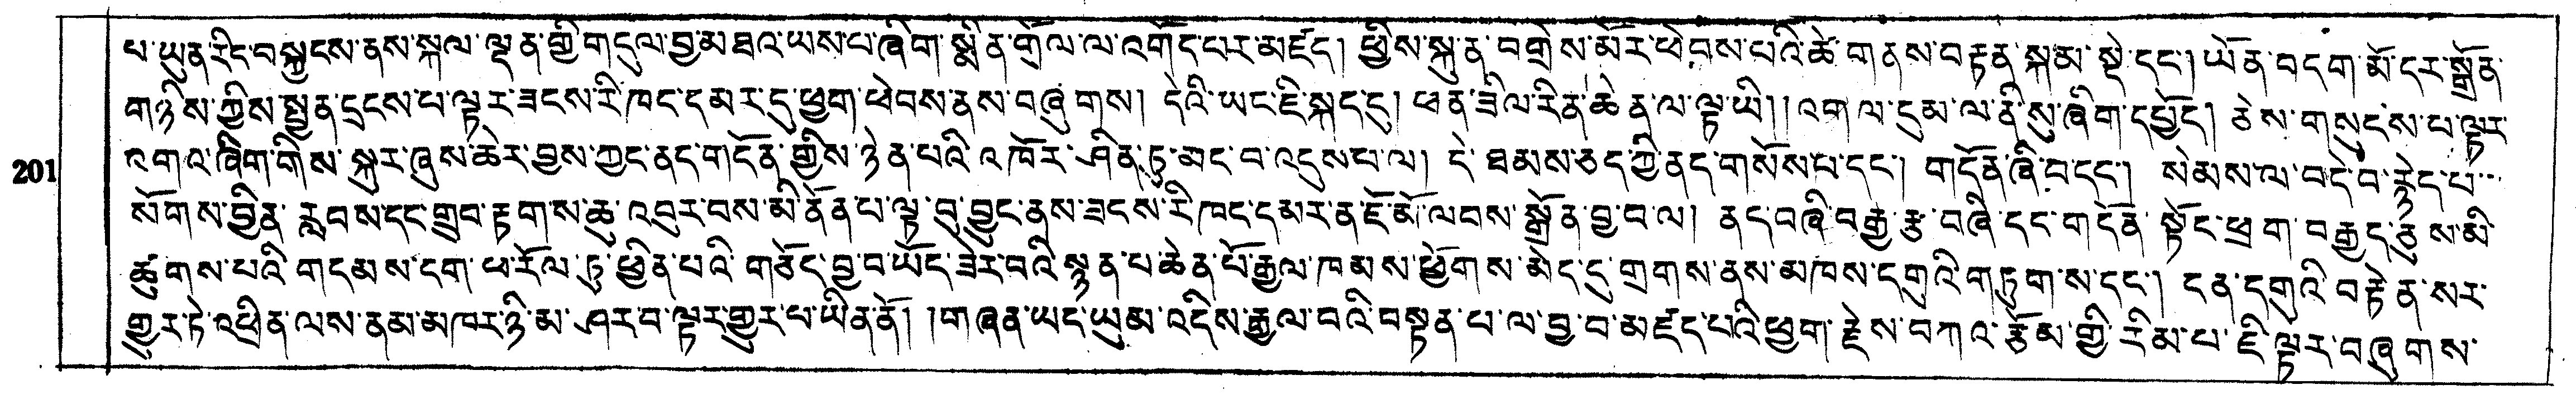པ་ཡུན་རིང་བསྐྱངས་ནས་སྐལ་ལྡན་གྱི་གདུལ་བྱ་མཐའ་ཡས་པ་ཞིག་སྨིན་གྲོལ་ལ་འགོད་པར་མཛད། ཕྱིས་སྐུ་ན་བགྲེས་མོར་ཕེབས་པའི་ཚེ་གནས་བརྟན་སྐམ་སྡེ་དང་། ཡོན་བདག་མོ་དར་སྒྲོན་
གཉིས་ཀྱིས་སྤྱན་དྲངས་པ་ལྟར་ཟངས་རི་ཁང་དམར་དུ་ཕྱག་ཕེབས་ནས་བཞུགས། དེའི་ཡང་ཇི་སྐད་དུ། ཕན་ཟིལ་རིན་ཆེན་ལ་ལྟ་ཡི། །འགལ་དུམ་ལ་ནི་སུ་ཞིག་དཔྱོད། ཅེས་གསུངས་པ་ལྟར་
འགའ་ཞིག་གིས་སྐུར་ཞུས་ཆེར་བྱས་ཀྱང་ནད་གདོན་གྱིས་ཉེན་པའི་འཁོར་ཤིན་ཏུ་མང་བ་འདུས་པ་ལ། དེ་ཐམས་ཅད་ཀྱི་ནད་གསོས་པ་དང་། གདོན་ཞི་བ་དང་། སེམས་ལ་བདེ་བ་རྙེད་པ་
སོགས་བྱིན་རླབས་དང་གྲུབ་རྟགས་ཆུ་འབུར་བས་མི་ནོན་པ་ལྟ་བུ་བྱུང་ནས་ཟངས་རི་ཁང་དམར་ན་ཇོ་མོ་ལབས་སྒྲོན་བྱ་བ་ལ། ནད་བཞི་བརྒྱ་རྩ་བཞི་དང་གདོན་སྟོང་ཕྲག་བརྒྱད་ཅུས་མི་
ཚུགས་པའི་གདམས་ངག་ཕ་རོལ་ཏུ་ཕྱིན་པའི་གཅོད་བྱ་བ་ཡོད་ཟེར་བའི་སྙན་པ་ཆེན་པོ་རྒྱལ་ཁམས་ཕྱོགས་མེད་དུ་གྲགས་ནས་མཁས་དགུའི་གཏུགས་དང་། ངན་དགུའི་བརྟེན་སར་
གྱུར་ཏེ་འཕྲིན་ལས་ནམ་མཁར་ཉི་མ་ཤར་བ་ལྟར་གྱུར་པ་ཡིན་ནོ། །གཞན་ཡང་ཡུམ་འདིས་རྒྱལ་བའི་བསྟན་པ་ལ་བྱ་བ་མཛད་པའི་ཕྱག་རྗེས་བཀའ་རྩོམ་གྱི་རིམ་པ་ཇི་ལྟར་བཞུགས་